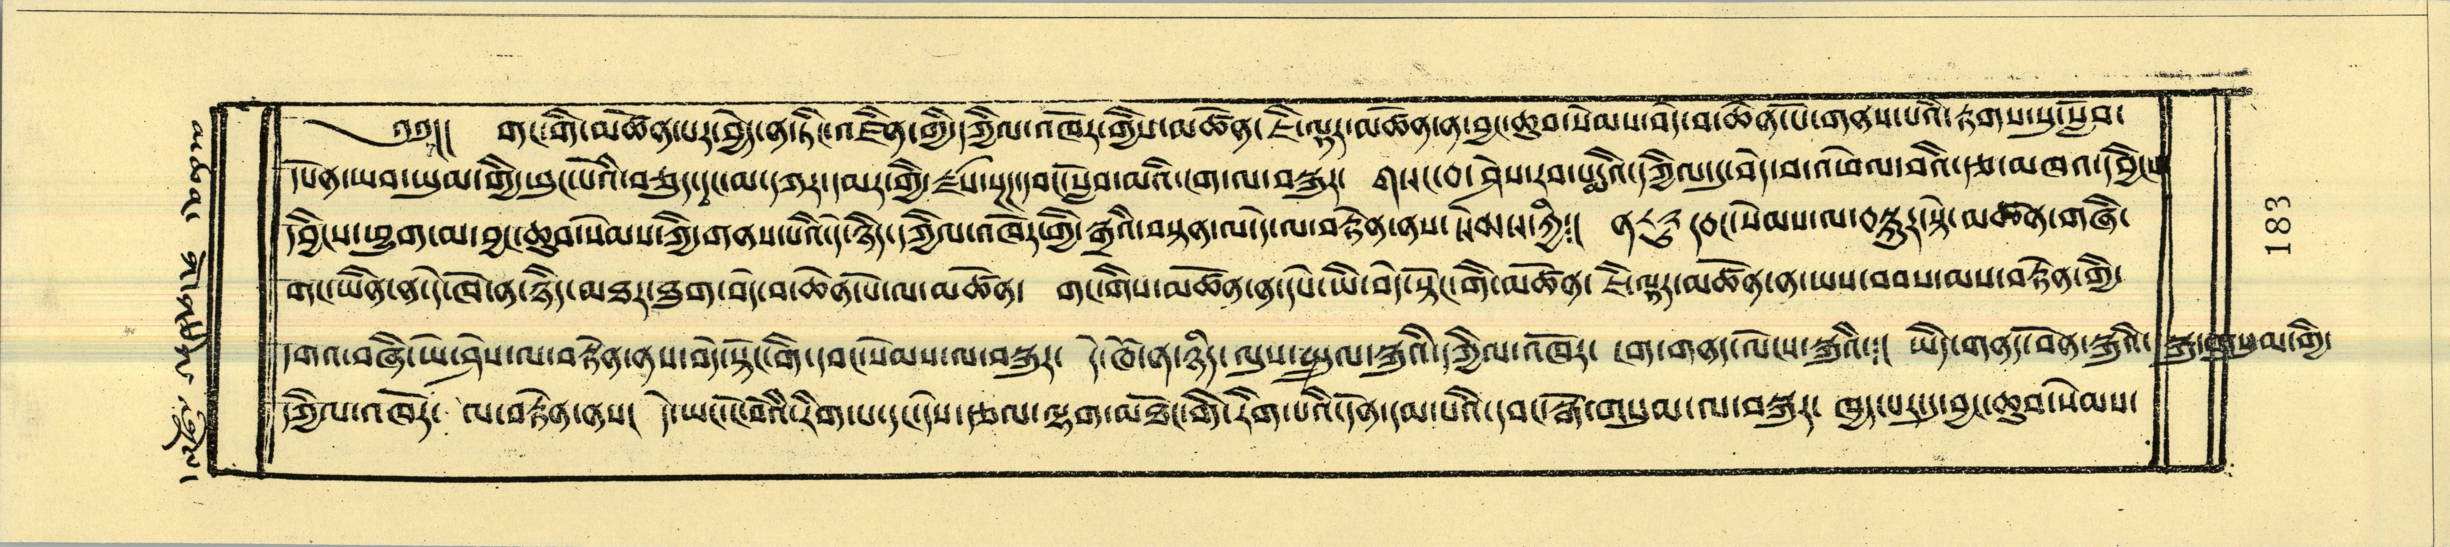གང་གི་མཚོན་པར་བྱེད་ན་ཏིང་ངེ་འཛིན་གྱི་དཀྱིལ་འཁོར་གྱིས་མཚོན་ཇི་ལྟར་མཚོན་ན་བྱང་ཆུབ་སེམས་བདེ་བ་ཆེན་པོ་གནས་པའི་རྟགས་སུ་སློབ་
དཔོན་ཡབ་ཡུམ་གྱི་ཕུང་པོའི་བཅུད་དྭངས་མ་དཀར་དམར་གྱི་རྫས་སྔགས་དབང་སློབ་མའི་ངག་ལ་བསྐུར་ གསང་བ་ཤེས་རབ་པདྨའི་དཀྱིལ་དུ་བདེ་བ་འཕེལ་བའི་རྩ་མཁའ་དབྱིངས་
ཕྱུག་མ་བྱང་ཆུབ་སེམས་ཀྱི་གནས་པའི་དེ་ཉིད་དཀྱིལ་འཁོར་གྱི་སྒྲའི་བསྟན་པ་དེ་ལ་བརྟེན་ནས་སེམས་ཀྱི་ ན༨༢།༦དབང་སེམས་ལ་བསྐུར་ཏེ་མཚན་གཞི་
གང་ཡིན་ན་དེ་ཁོ་ན་ཉིད་མཐར་ཐུག་བདེ་བ་ཆེན་པོ་ལ་མཚོན། གང་གིས་མཚོན་ན་དཔེ་ཡིས་བདེ་སྟོང་གིས་མཚོན། ཇི་ལྟར་མཚོན་ན་ཡས་བབས་མས་བརྟེན་གྱི་
དགའ་བཞི་ཡེ་ཤེས་ལ་བརྟེན་ནས་བདེ་སྟོང་གི་དབང་སེམས་ལ་བསྐུར་ དེ་ཁོ་ན་ཉིད་ལུས་སྤྲུལ་སྐུའི་དཀྱིལ་འཁོར་ངག་གནད་ལོངས་སྐུའི༑ ཡིད་གནད་བོན་སྐུའི་
དཀྱིལ་འཁོར་ལ་བརྟེན་ནས། དེ་ཡང་ངོ་བོིའི་རིག་པ་དང་ལྷག་མཐོང་གི་རིག་པའི་དོན་དམ་པའི་དབང་སྒོ་གསུམ་ལ་བསྐུར། ཁྱད་པར་དུ་བྱང་ཆུབ་སེམས་